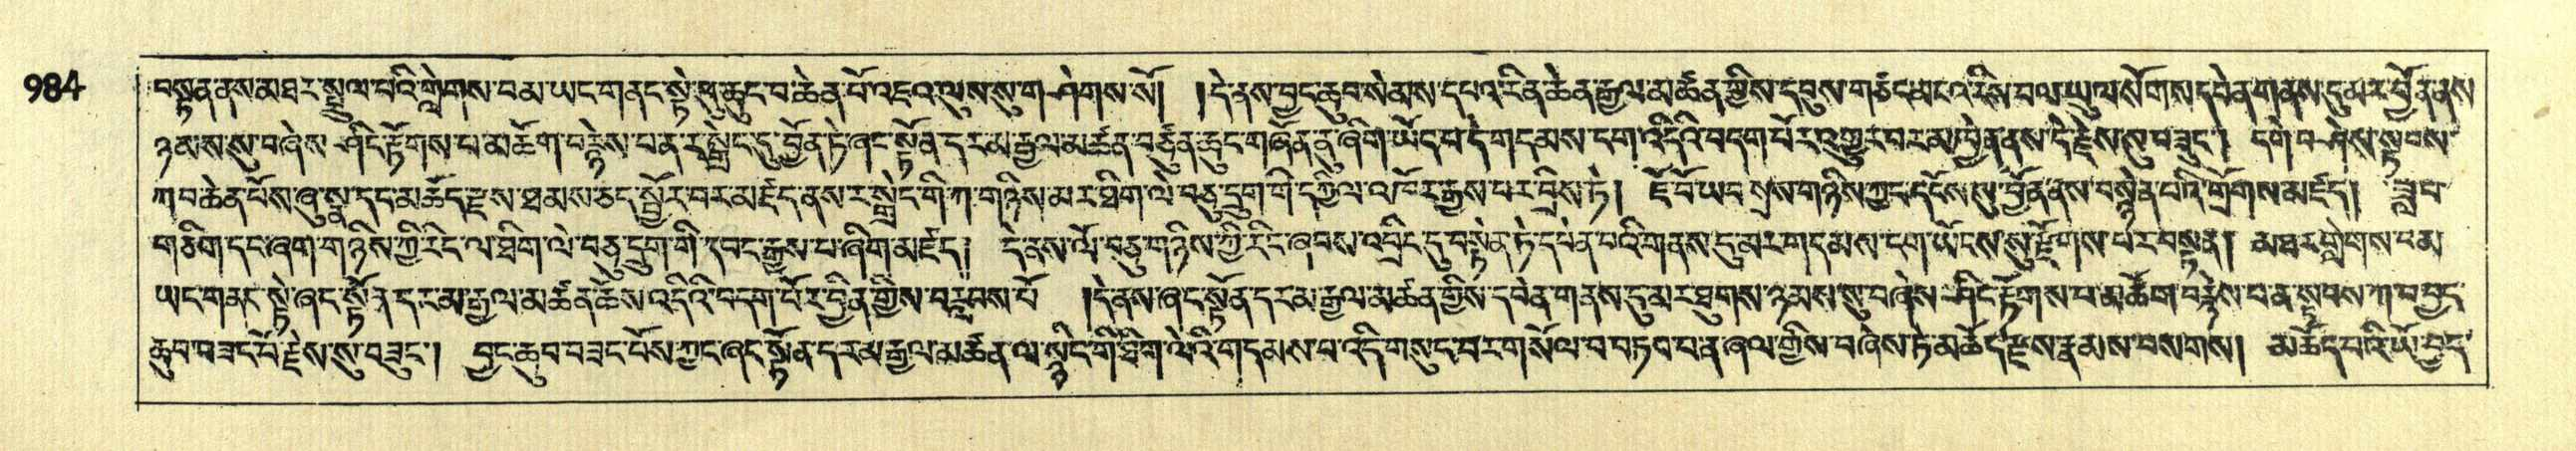བསྟན་ནས་མཐར་སྤྲུལ་པའི་གླེགས་བམ་ཡང་གནང་སྟེ་ཕུ་ཆུང་བ་ཆེན་པོ་འཇའ་ལུས་སུ་གཤེགས་སོ། །དེ་ནས་བྱང་ཆུབ་སེམས་དཔའ་རིན་ཆེན་རྒྱལ་མཚན་གྱིས་དབུས་གཙང་མངའ་རིས་བལ་ཡུལ་སོགས་དབེན་གནས་དུ་མར་བྱོན་ནས་
ཉམས་སུ་བ་ཞེས་ཤིང་རྟོགས་པ་མཆོག་བརྙེས་པ་ན་ར་སྒྲེང་དུ་བྱོན་ཏེ་ཞང་སྟོན་དར་མ་རྒྱལ་མཚན་བཙུན་ཆུང་གཞོན་ནུ་ཞིག་ཡོད་པ་དེ་གདམས་ངག་འདིའི་བདག་པོར་འགྱུར་བར་མཁྱེན་ནས་དེ་རྗེས་སུ་བཟུང་། དགེ་བཤེས་སྟབས་
ཀབ་ཆེན་པོས་ཞུ་སྣ་དང་མཆོད་རྫས་ཐམས་ཅད་སྦྱོར་བར་མཛད་ནས་ར་སྒྲེང་གི་ཀ་གཉིས་མར་ཐིག་ལེ་བཅུ་དྲུག་གི་དཀྱིལ་འཁོར་རྒྱས་པར་བྲིས་ཏེ། ཇོ་བོ་ཡབ་སྲས་གཉིས་ཀྱང་དངོས་སུ་བྱོན་ནས་བསྙེན་པའི་གྲོགས་མཛད། ཟླ་བ་
གཅིག་དང་ཞག་གཉིས་ཀྱི་རིང་ལ་ཐིག་ལེ་བཅུ་དྲུག་གི་དབང་རྒྱས་པ་ཞིག་མཛད། དེ་ནས་ལོ་བཅུ་གཉིས་ཀྱི་རིང་ཞབས་འབྲིང་དུ་བསྟེན་ཏེ་དཔེན་པའི་གནས་དུ་མར་གདམས་ངག་ཡོངས་སུ་རྫོགས་པར་བསྟན། མཐར་གླེགས་བམ་
ཡང་གནང་སྟེ་ཞང་སྟོན་དར་མ་རྒྱལ་མཚན་ཆོས་འདིའི་བདག་པོར་བྱིན་གྱིས་བརླབས་པོ་།དེ་ནས་ཞང་སྟོན་དར་མ་རྒྱལ་མཚན་གྱིས་དབེན་གནས་དུ་མར་ཐུགས་ཉམས་སུ་བཞེས་ཤིང་རྟོགས་པ་མཆོག་བརྙེས་པ་ན་སྟབས་ཀ་བ་བྱང་
ཆུབ་བཟང་པོ་རྗེས་སུ་བཟུང་། བྱང་ཆུབ་བཟང་པོས་ཀྱང་ཞང་སྟོན་དར་མ་རྒྱལ་མཚན་ལ་སྙིང་གི་ཐིག་ལེའི་གདམས་པ་འདི་གསུང་བར་གསོལ་བ་བཏབ་པ་ན་ཞལ་གྱིས་བཞེས་ཏེ་མཆོད་རྗེས་རྣམས་བསགས། མཆོད་པའི་ཡོ་བྱད་